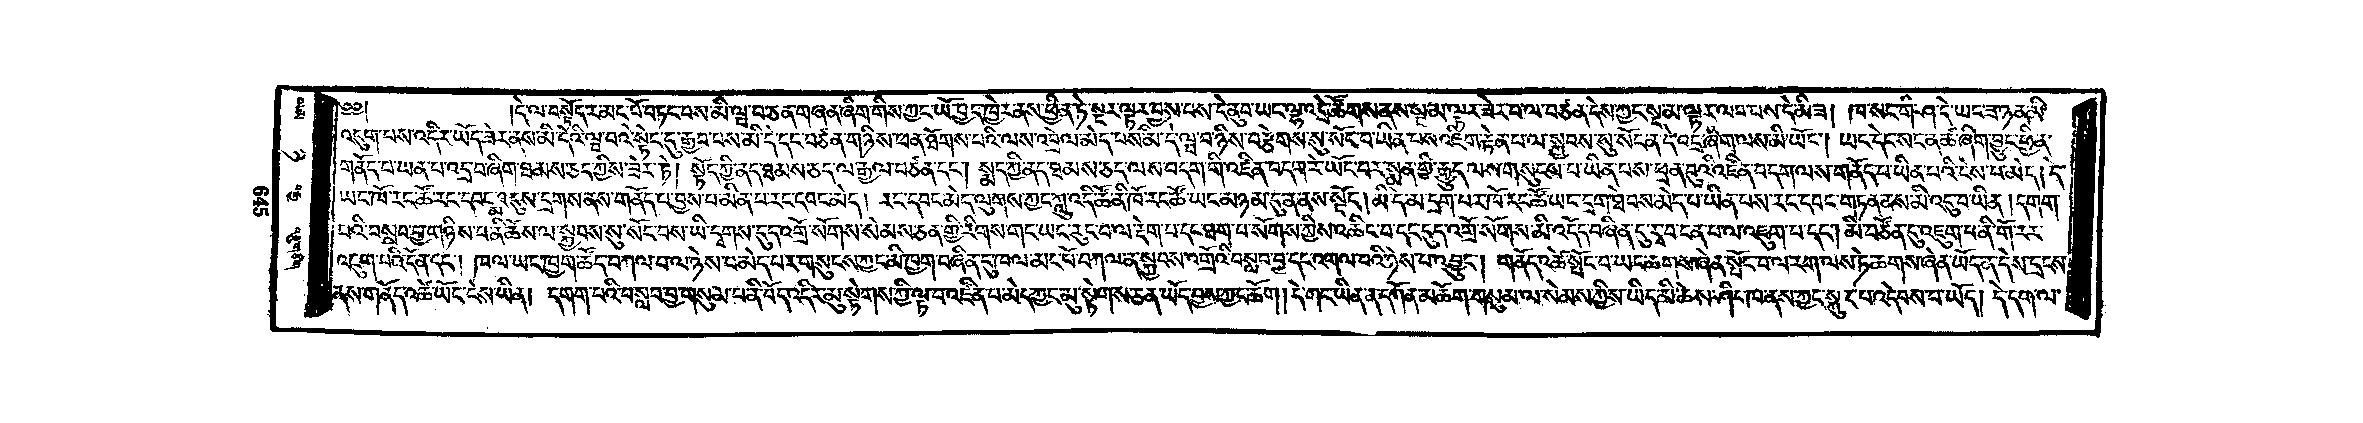༄༅། །དེ་ལ་བསྟོད་ར་མང་པོ་བཏང་བས་མི་ལྦ་བ་ཅན་གཞན་ཞིག་གིས་ཀྱང་ཡོ་བྱད་ཁྱེར་ནས་ཕྱིན་ཏེ་སྔར་ལྟར་བྱས་པས་དེ་ནུབ་ཡང་ལྷ་འདྲེ་ཚོགས་ནས་སྔ་མ་ལྟར་ཟེར་བ་ལ་བཙན་དེས་ཀྱང་སྔ་མ་ལྟར་ལབ་པས་དེ་མི་ཟ། ཁ་སང་གི་ཤ་དེ་ཡང་ཟ་ཉན་མི་
འདུག་པས་འདིར་ཡོད་ཟེར་ནས་མི་དེའི་ལྦ་བའི་སྟེང་དུ་རྒྱབ་པས་མི་དེ་དང་བཙན་གཉིས་ཕན་ཐོགས་པའི་ལས་འབེལ་མེད་པས་མི་དེ་ལྦ་བ་ཉིས་བརྩེགས་སུ་སོང་བ་ཡིན་པས་འཇིག་རྟེན་པ་ལ་སྐྱབས་སུ་སོང་ན་དེ་འདྲ་ཞིག་ལས་མི་ཡོང་། ཡང་དེང་སང་ན་ཚ་ཞིག་བྱུང་ཕྱིན་
གནོད་པ་ཡན་པ་འདྲ་བ་ཞིག་ཐམས་ཅད་ཀྱིས་ཟེར་ཏེ། སྟོད་ཀྱི་ནད་ཐམས་ཅད་ལ་རྒྱལ་བཙན་དང་། སྨད་ཀྱི་ནད་ཐམས་ཅད་ལས་བདག་གི་འཛིན་བདག་རེ་ཡོང་བར་སྨན་གྱི་རྒྱུད་ལས་གསུངས་པ་ཡིན་པས་ཕྲན་བུའི་འཛིན་བདག་ལས་གནོད་པ་ཡིན་པའི་ངེས་པ་མེད། དེ་
ཡང་ཁོ་རང་ཚོ་རང་དབང་མ་འདུས་དྲགས་ནས་གནོད་པ་བྱས་པ་མིན་པ་རང་དབང་མེད། རང་དབང་མེད་ལུགས་ཀྱང་ཀླུ་འདི་ཚོ་ནི་ཁོ་རང་ཚོ་ཡང་མཉམ་དུ་ན་ནས་སྡོད། མི་དེ་མ་དྲག་པར་ཁོ་རང་ཚོ་ཡང་དྲག་ཐེབས་མེད་པ་ཡིན་པས་རང་དབང་གཏན་ནས་མི་འདུ་བ་ཡིན། དགག་
པའི་བསླབ་བྱ་གཉིས་པ་ནི་ཆོས་ལ་སྐྱབས་སུ་སོང་བས་ཡི་དྭགས་དུད་འགྲོ་སོགས་སེམས་ཅན་གྱི་རིགས་གང་ཡང་རུང་བ་ལ་རྡེག་པ་དང་ཐག་པ་སོགས་ཀྱིས་འཆིང་བ་དང་དུད་འགྲོ་སོགས་མི་འདོད་བཞིན་དུ་རྭ་བ་ངན་པ་ལ་འཇུག་པ་དང་། མི་བཙོན་དུ་འཇུག་པ་ནི་གོ་རར་
འཇུག་པའི་དོན་དང་། ཁལ་ཡང་ཁྱག་ཚོད་བཀལ་བ་ལ་ཉེས་བ་མེད་པར་གསུངས་ཀྱང་མི་ཁྱག་བཞིན་དུ་ཁལ་མང་པོ་བཀལ་ན་སྐྱབས་འགྲོའི་བསླབ་བྱ་དང་འགལ་བའི་ཉེས་པ་འབྱུང་། གནོད་འཚེ་སྤོང་བ་ཡང་ཆགས་ཞེན་སྤོང་བ་ལ་རག་ལས་ཏེ་ཆགས་ཞེན་ཡོད་ན་དེས་དྲངས་
ནས་གནོད་འཚེ་ཡོང་ངེས་ཡིན། དགག་པའི་བསླབ་བྱ་གསུམ་པ་ནི་བོད་འདིར་མུ་སྟེགས་ཀྱི་ལྟ་བ་འཛིན་པ་མེད་ཀྱང་མུ་སྟེགས་ཅན་ཡོད་བྱས་ཀྱང་ཆོག །དེ་གང་ཡིན་ན་དཀོན་མཆོག་གསུམ་ལ་སེམས་ཀྱིས་ཡིད་མི་ཆེས་ཤིང་ཁ་ནས་ཀྱང་སྐུར་པ་འདེབས་པ་ཡོད། དེ་དག་ལ་